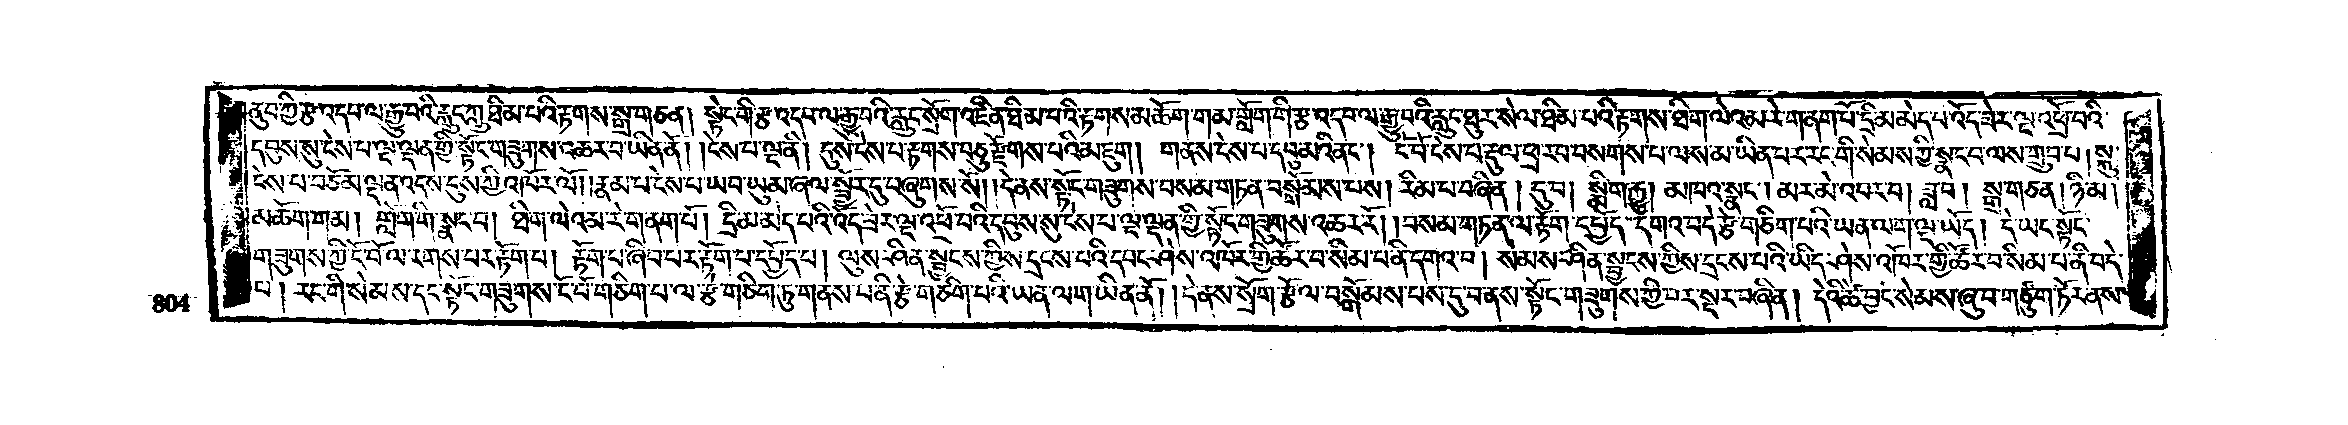ནུབ་ཀྱི་རྩ་འདབ་ལ་རྒྱུ་བའི་རླུང་ཀླུ་ཐིམ་པའི་རྟགས་སྒྲ་གཅན། སྟེང་གི་རྩ་འདབ་ལ་རྒྱུ་བའི་རླུང་སྲོག་འཛིན་ཐིམ་པའི་རྟགས་མཆོག་གམ་གློག་གི་རྩ་འདབ་ལ་རྒྱུ་བའི་རླུང་ཐུར་སེལ་ཐིམ་པའི་རྟགས་ཐིག་ལེའམ་རེ་གནག་པོ་དྲི་མེད་པ་འོད་ཟེར་ལྔ་འཕྲོ་བའི་
དབུས་སུ་ངེས་པ་ལྔ་ལྡན་གྱི་སྟོང་གཟུགས་འཆར་བ་ཡིན་ནོ། །ངེས་པ་ལྔ་ནི། དུས་ངེས་པ་རྟགས་བཅུ་རྫོགས་པའི་མཇུག། གནས་ངེས་པ་དབུ་མའི་ནང་། ངོ་བོ་ངེས་པ་རྡུལ་ཕྲ་རབ་བསགས་པ་ལས་མ་ཡིན་པར་རང་གི་སེམས་ཀྱི་སྣང་བ་ལས་གྲུབ་པ། སྐུ་
ངེས་པ་བཅོམ་ལྡན་འདས་དུས་ཀྱི་འཁོར་ལོ། །རྣམ་པ་ངེས་པ་ཡབ་ཡུམ་ཞལ་སྦྱོར་དུ་བཞུགས་སོ། །དེ་ནས་སྟོང་གཟུགས་བསམ་གཏན་བསྒོམས་པས། རིམ་པ་བཞིན། དུ་བ། སྨིག་རྒྱུ། མཁའ་སྣང་། མར་མེ་འབར་བ། ཟླ་བ་སྒྲ་ཅན། ཉི་མ།
མཆོག་གམ། གློག་གི་སྣང་བ། ཐིག་ལེའམ་རེ་ནག་པོ། དྲི་མ་མེད་པའི་འོད་ཟེར་ལྔ་འཕོ་བའི་དབུས་སུ་ངེས་པ་ལྔ་ལྡན་གྱི་སྟོང་གཟུགས་འཆར་རོ། །བསམ་གཏན་ལ་རྟོག་དཔྱོད་དགའ་བདེ་རྩེ་གཅིག་པའི་ཡན་ལག་ལྔ་ཡོད། དེ་ཡང་སྟོང་
གཟུགས་ཀྱི་ངོ་བོ་རགས་པར་རྟོག་པ། རྟོག་པ་ཞིབ་པར་རྟོག་དཔྱོད་པ། ལུས་ཤིན་སྦྱངས་ཀྱིས་དྲངས་པའི་དབང་ཤེས་འཁོར་གྱི་ཚོར་བ་སིམ་པ་ནི་དགའ་བ། སེམས་ཤིན་སྦྱངས་ཀྱིས་དྲངས་པའི་ཡིད་ཤེས་འཁོར་གྱི་ཚོར་བ་སིམ་པ་ནི་བདེ་
བ། རང་གི་སེམས་དང་སྟོང་གཟུགས་ངོ་བོ་གཅིག་པ་ལ་རྩེ་གཅིག་ཏུ་གནས་པ་ནི་རྩེ་གཅིག་པའི་ཡན་ལག་ཡིན་ནོ། །དེ་ནས་སྲོག་རྩོལ་བསྒོམས་པས་དུ་བ་ནས་སྟོང་གཟུགས་ཀྱི་བར་སྡར་བཞིན། དེའི་ཚེ་བྱང་སེམས་ཞུ་བ་གཙུག་ཏོར་ནས་